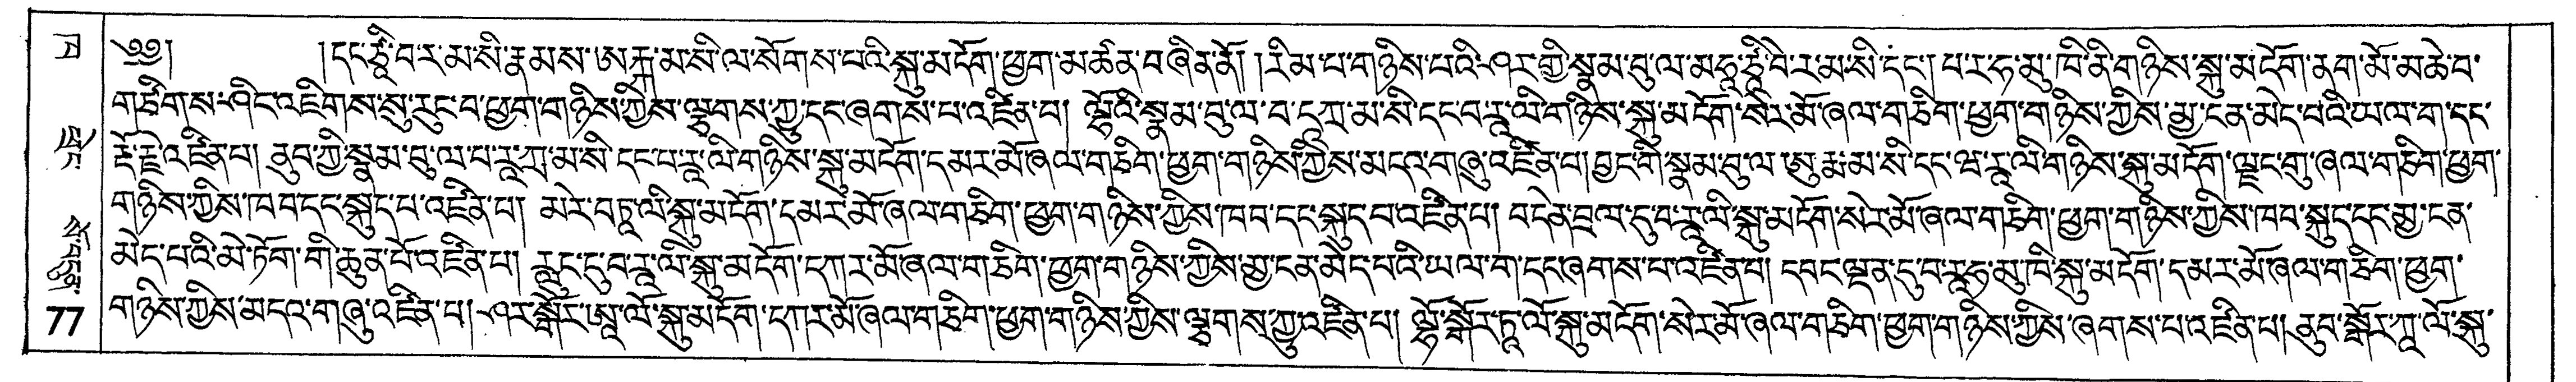༄༅། །དང་ཙཱི་བ་ར་མ་སི་རྣམས་ཨརྐྐ་མ་སི་ལ་སོགས་པའི་སྐུ་མདོག་ཕྱག་མཚན་བཞིན་ནོ། །རིམ་པ་གཉིས་པའི་ཤར་གྱི་སྣམ་བུ་ལ་མཧཱ་ཙཱི་བེ་ར་མ་སི་དང་། པ་ར་ཧ་མུ་ཁི་ནི་གཉིས་སྐུ་མདོག་ནག་མོ་མཆེ་བ་
གཙིགས་ཤིང་འཇིགས་སུ་རུང་བ་ཕྱག་གཉིས་ཀྱིས་ལྕགས་ཀྱུ་དང་ཞགས་པ་འཛིན་པ། ལྷོའི་སྣམ་བུ་ལ་བ་དཱ་ཀྲ་མ་སི་དང་བ་རཱ་ལི་གཉིས་སྐུ་མདོག་སེར་མོ་ཞལ་གཅིག་ཕྱག་གཉིས་ཀྱིས་མྱ་ངན་མེད་པའི་ཡལ་ག་དང་
རྡོ་རྗེ་འཛིན་པ། ནུབ་ཀྱི་སྣམ་བུ་ལ་པ་རཱ་ཀྲ་མ་སི་དང་པ་རཱ་ལི་གཉིས་སྐུ་མདོག་དམར་མོ་ཞལ་གཅིག་ཕྱག་གཉིས་ཀྱིས་མདའ་གཞུ་འཛིན་པ། བྱང་གི་སྣམ་བུ་ལ་ཨུརྨ་མ་སི་དང་ཝ་རཱ་ལི་གཉིས་སྐུ་མདོག་ལྗང་གུ་ཞལ་གཅིག་ཕྱག་
གཉིས་ཀྱིས་ཁབ་དང་སྐུད་པ་འཛིན་པ། མེར་བཏཱ་ལི་སྐུ་མདོག་དམར་མོ་ཞལ་གཅིག་ཕྱག་གཉིས་ཀྱིས་ཁབ་དང་སྐུད་པ་འཛིན་པ། བདེན་བྲལ་དུ་བ་རཱ་ལི་སྐུ་མདོག་སེར་མོ་ཞལ་གཅིག་ཕྱག་གཉིས་ཀྱིས་ཁབ་སྐུད་དང་མྱ་ངན་
མེད་པའི་མེ་ཏོག་གི་ཆུན་པོ་འཛིན་པ། རླུང་དུ་བ་རཱ་ལི་སྐུ་མདོག་དཀར་མོ་ཞལ་གཅིག་ཕྱག་གཉིས་ཀྱིས་མྱ་ངན་མེད་པའི་ཡལ་ག་དང་ཞགས་པ་འཛིན་པ། དབང་ལྡན་དུ་བ་རཱ་ཧ་མུ་ཁི་སྐུ་མདོག་དམར་མོ་ཞལ་གཅིག་ཕྱག་
གཉིས་ཀྱིས་མདའ་གཞུ་འཛིན་པ། ཤར་སྒོར་ཨཱ་ལོ་སྐུ་མདོག་དཀར་མོ་ཞལ་གཅིག་ཕྱག་གཉིས་ཀྱིས་ལྕགས་ཀྱུ་འཛིན་པ། ལྷོ་སྒོར་ཏཱ་ལོ་སྐུ་མདོག་སེར་མོ་ཞལ་གཅིག་ཕྱག་གཉིས་ཀྱིས་ཞགས་པ་འཛིན་པ། ནུབ་སྒོར་ཀཱ་ལོ་སྐུ་